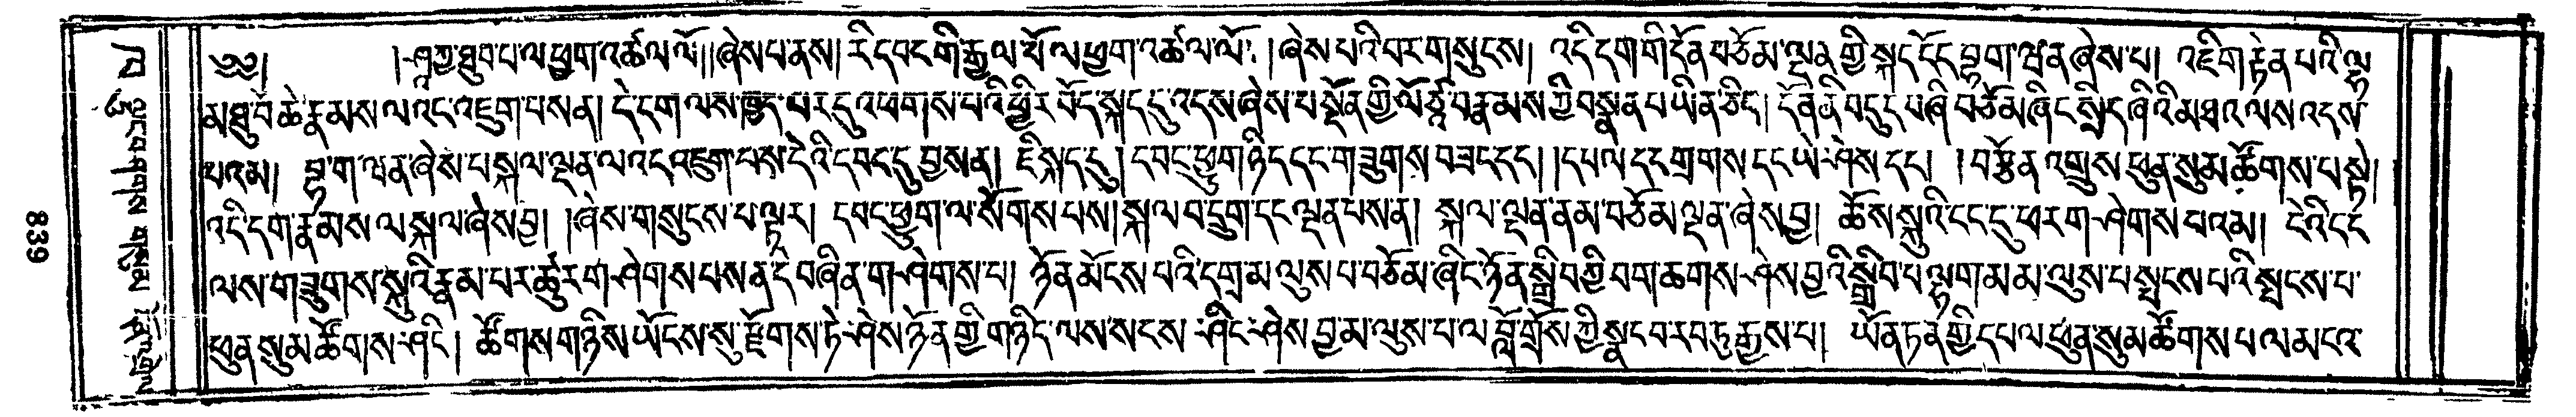༄༅། །ཤཱཀྱ་ཐུབ་པ་ལ་ཕྱག་འཚལ་ལོ། །ཞེས་པ་ནས། རི་དབང་གི་རྒྱལ་པོ་ལ་ཕྱག་འཚལ་ལོ། །ཞེས་པའི་བར་གསུངས། འདི་དག་གི་དོན་བཅོམ་ལྡན་གྱི་སྐད་དོང་བྷ་ག་ཝན་ཞེས་པ། འཇིག་རྟེན་པའི་ལྷ་
མཐུ་བོ་ཆེ་རྣམས་ལའང་འཇུག་པས་ན། དེ་དག་ལས་ཁྱད་པར་དུ་འཕགས་པའི་ཕྱིར་བོད་སྐད་དུ་འདས་ཞེས་པ་སྔོན་གྱི་ལོ་ཙཱ་བ་རྣམས་ཀྱི་བསྣན་པ་ཡིན་ཅིང་། དོན་ནི་བདུང་བཞི་བཅོམ་ཞིང་སྲིད་ཞིའི་མཐའ་ལས་འདས་
པའམ། བྷག་ཝན་ཞེས་པ་སྐལ་ལྡན་ལའང་འཇུག་པས་དེའི་དབང་དུ་བྱས་ན། ཇི་སྐད་དུ། དབང་ཕྱུག་ཉིད་དང་གཟུགས་བཟང་དང་། །དཔལ་དང་གྲགས་དང་ཡེ་ཤེས་དང་། །བརྩོན་འགྲུས་ཕུན་སུམ་ཚོགས་པ་སྟེ། །
འདི་དག་རྣམས་ལ་སྐལ་ཞེས་བྱ། །ཞེས་གསུངས་པ་ལྟར། དབང་ཕྱུག་ལ་སོགས་པས། སྐལ་བ་དྲུག་དང་ལྡན་པས་ན། སྐལ་ལྡན་ནམ་བཅོམ་ལྡན་ཞེས་བྱ། ཆོས་སྐུའི་ངང་དུ་ཕར་གཤེགས་པའམ། ངེའི་ངང་
ལས་གཟུགས་སྐུའི་རྣམ་པར་ཚུར་གཤེགས་པས་ན་དེ་བཞིན་གཤེགས་པ། ཉོན་མོངས་པའི་དགྲ་མ་ལུས་པ་བཅོམ་ཞིང་ཉོན་སྒྲིབ་ཀྱི་བག་ཆགས་ཤེས་བྱའི་སྒྲིབ་པ་ལྷག་མ་མ་ལུས་པ་སྤངས་པའི་སྤངས་པ་
ཕུན་སུམ་ཚོགས་ཤིང་། ཚོགས་གཉིས་ཡོངས་སུ་རྫོགས་ཏེ་ཤེས་ཉོན་གྱི་གཉིད་ལས་སངས་ཤིང་ཤེས་བྱ་མ་ལུས་པ་ལ་བློ་གྲོས་ཀྱི་སྣང་བ་རབ་ཏུ་རྒྱས་པ། ཡོན་ཏན་གྱི་དཔལ་ཕུན་སུམ་ཚོགས་པ་ལ་མངའ་